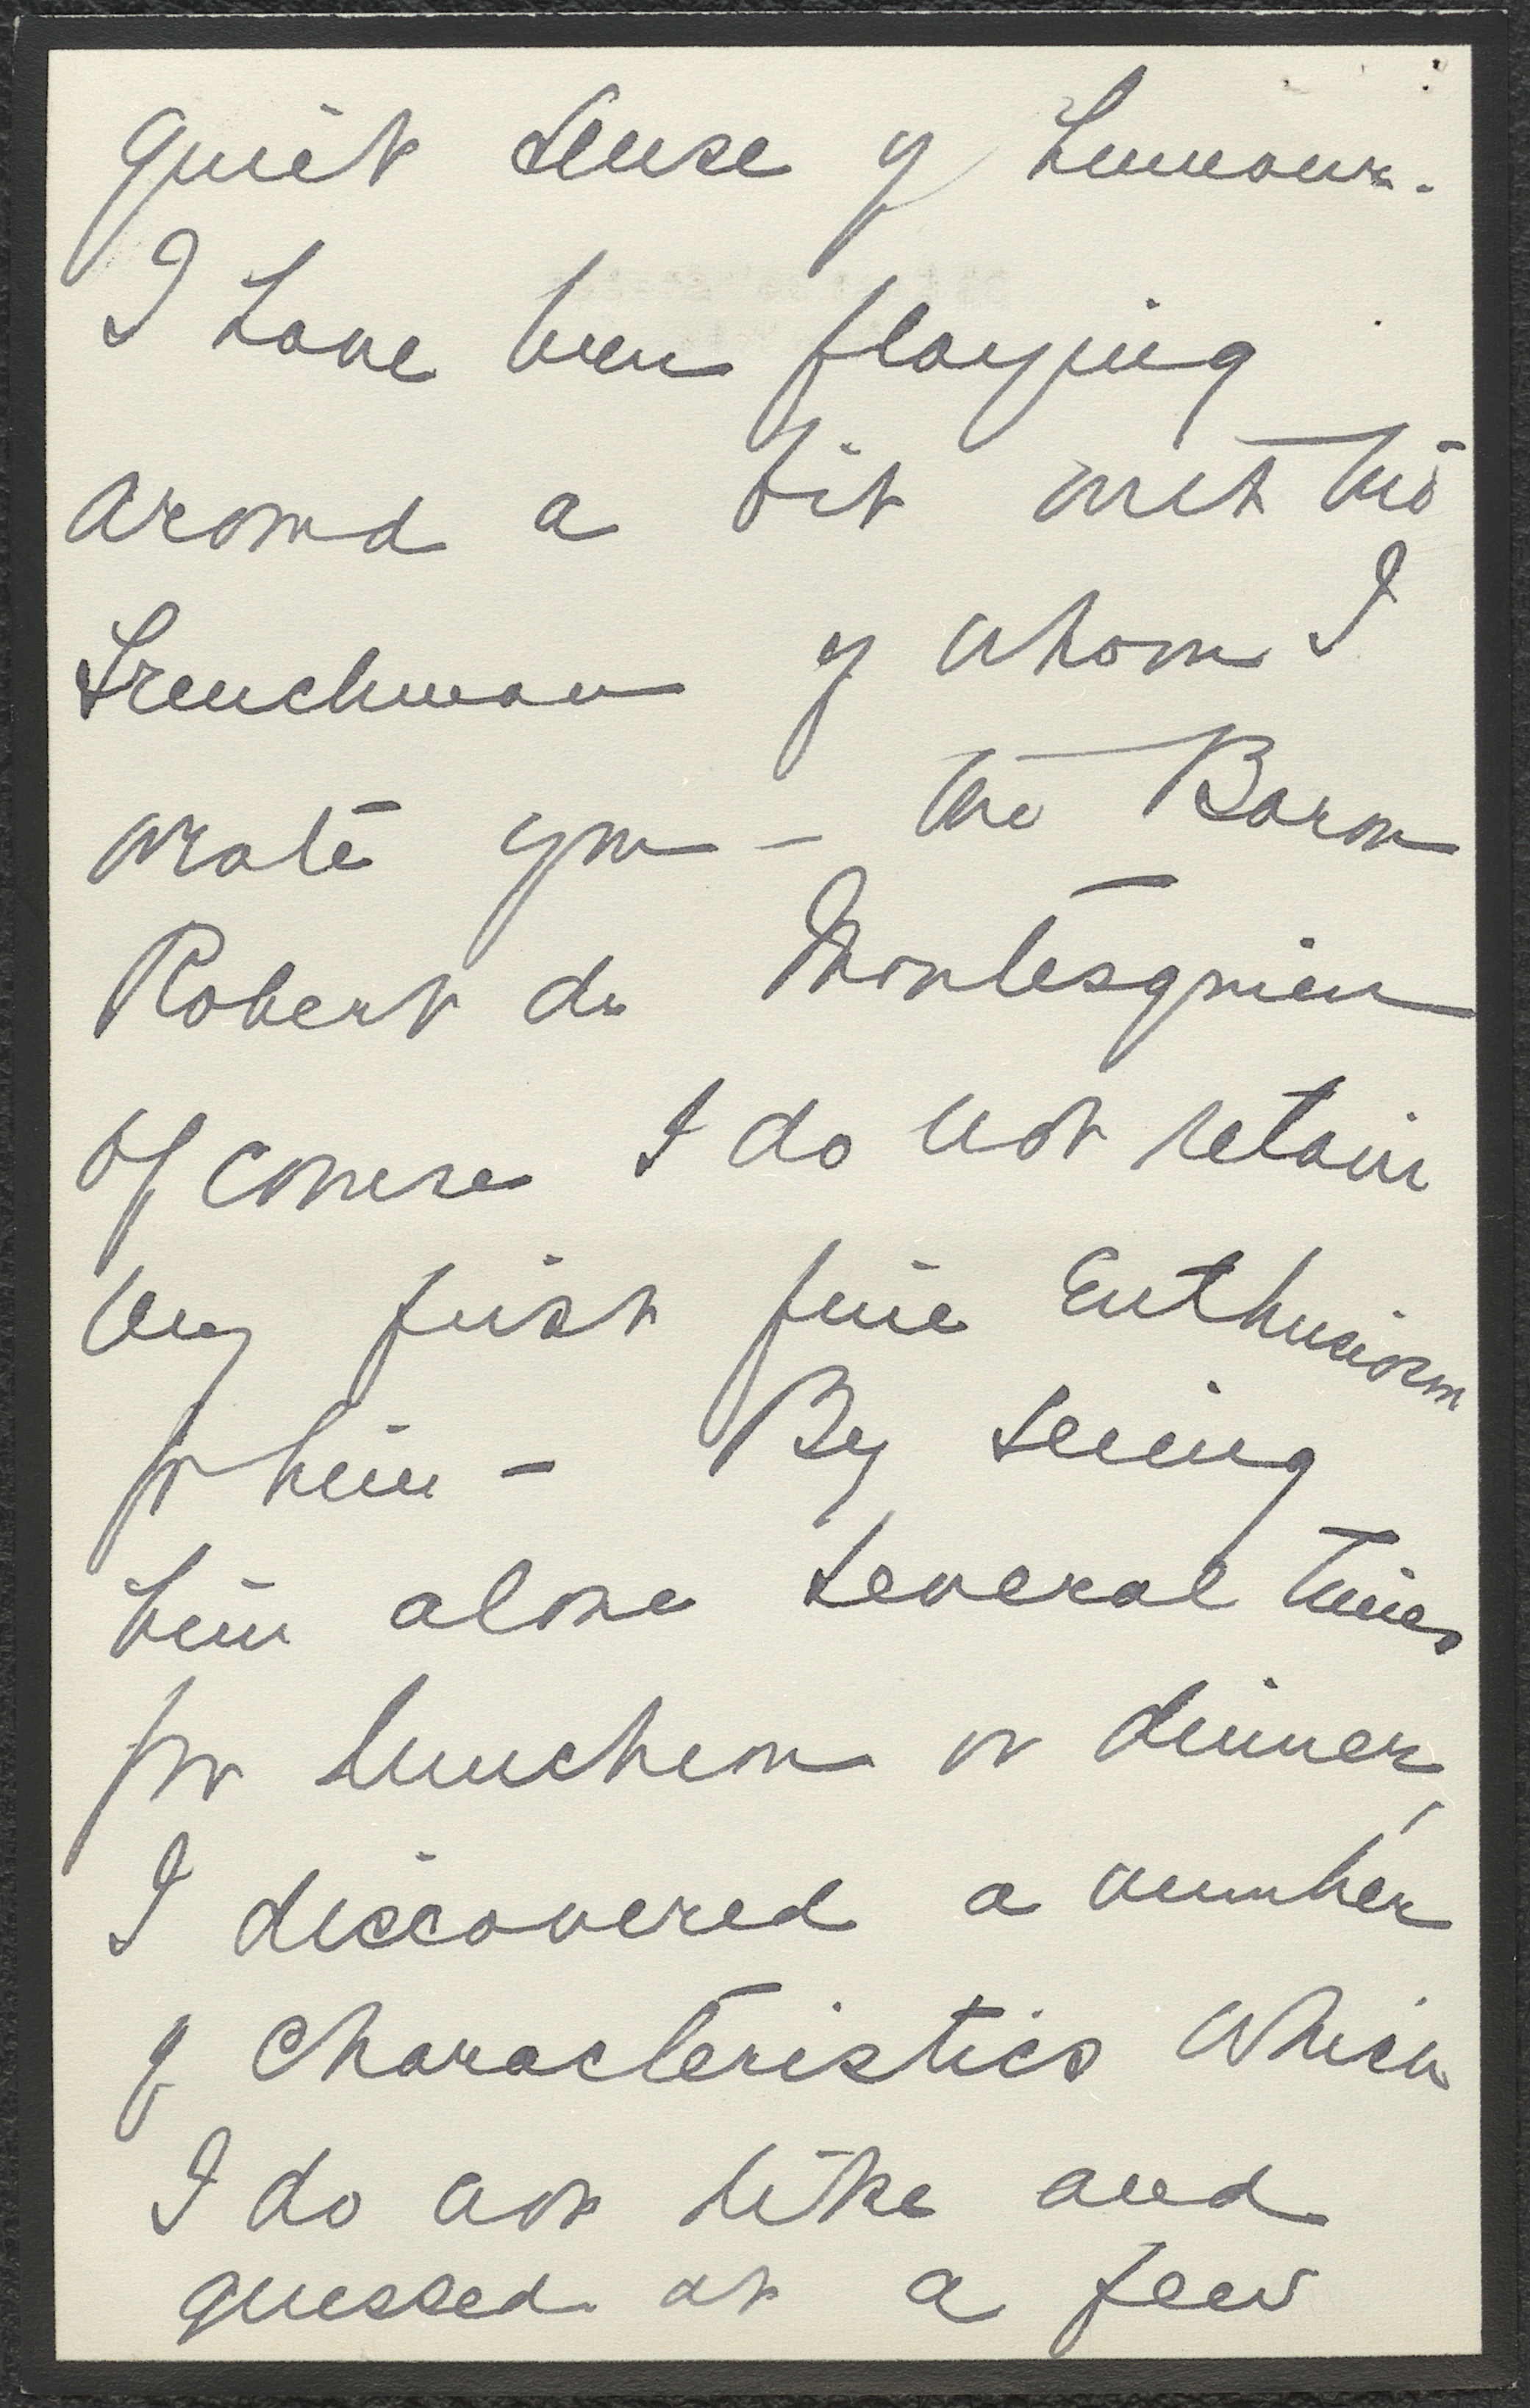quiet sense of humour – I have been playing around a bit with the Frenchman of whom I wrote you – the Baron Robert de Montesquieu Of course I do not retain my first fine enthusiasm for him – By seeing him alone several times for luncheon or dinner, I discovered a number of characteristics which I do not like and guessed at a few